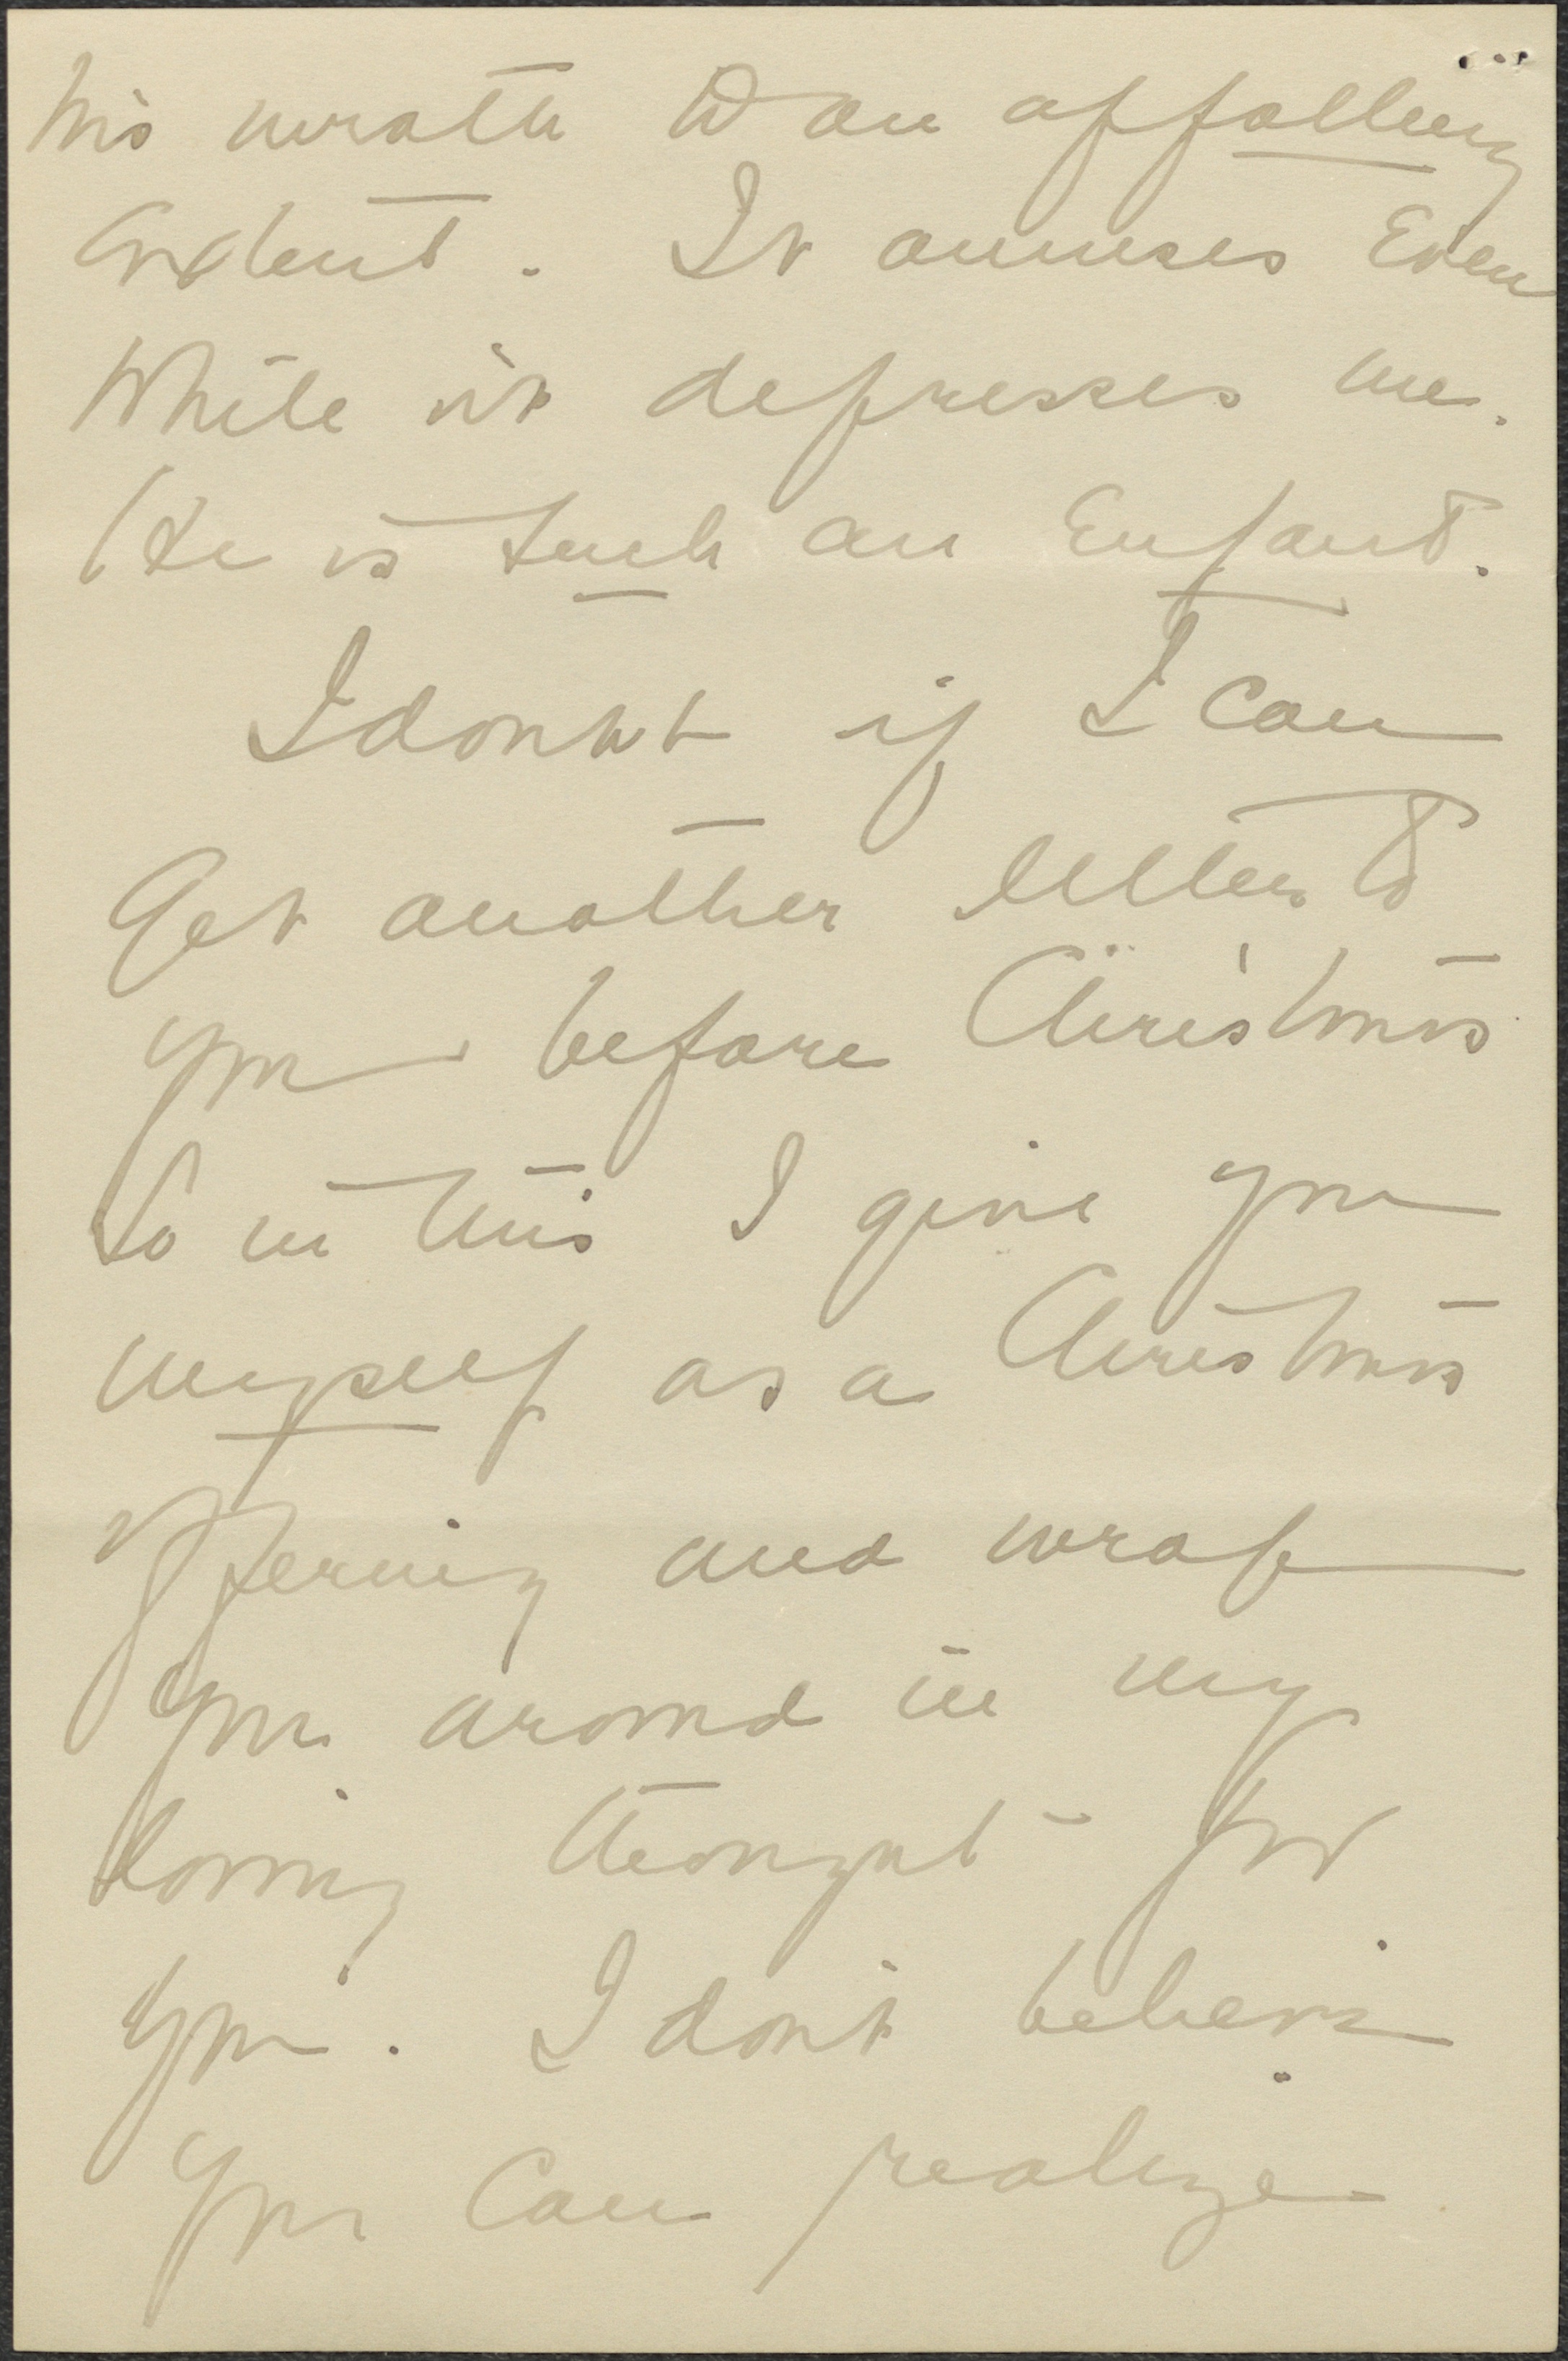his wrath to an appalling extent. It amuses even while it depresses me. He is such an enfant.
I doubt if I can get another letter to you before Christmas so in this I give you myself as a Christmas offering and wrap you around in my loving thought for you. I don’t believe you can realize